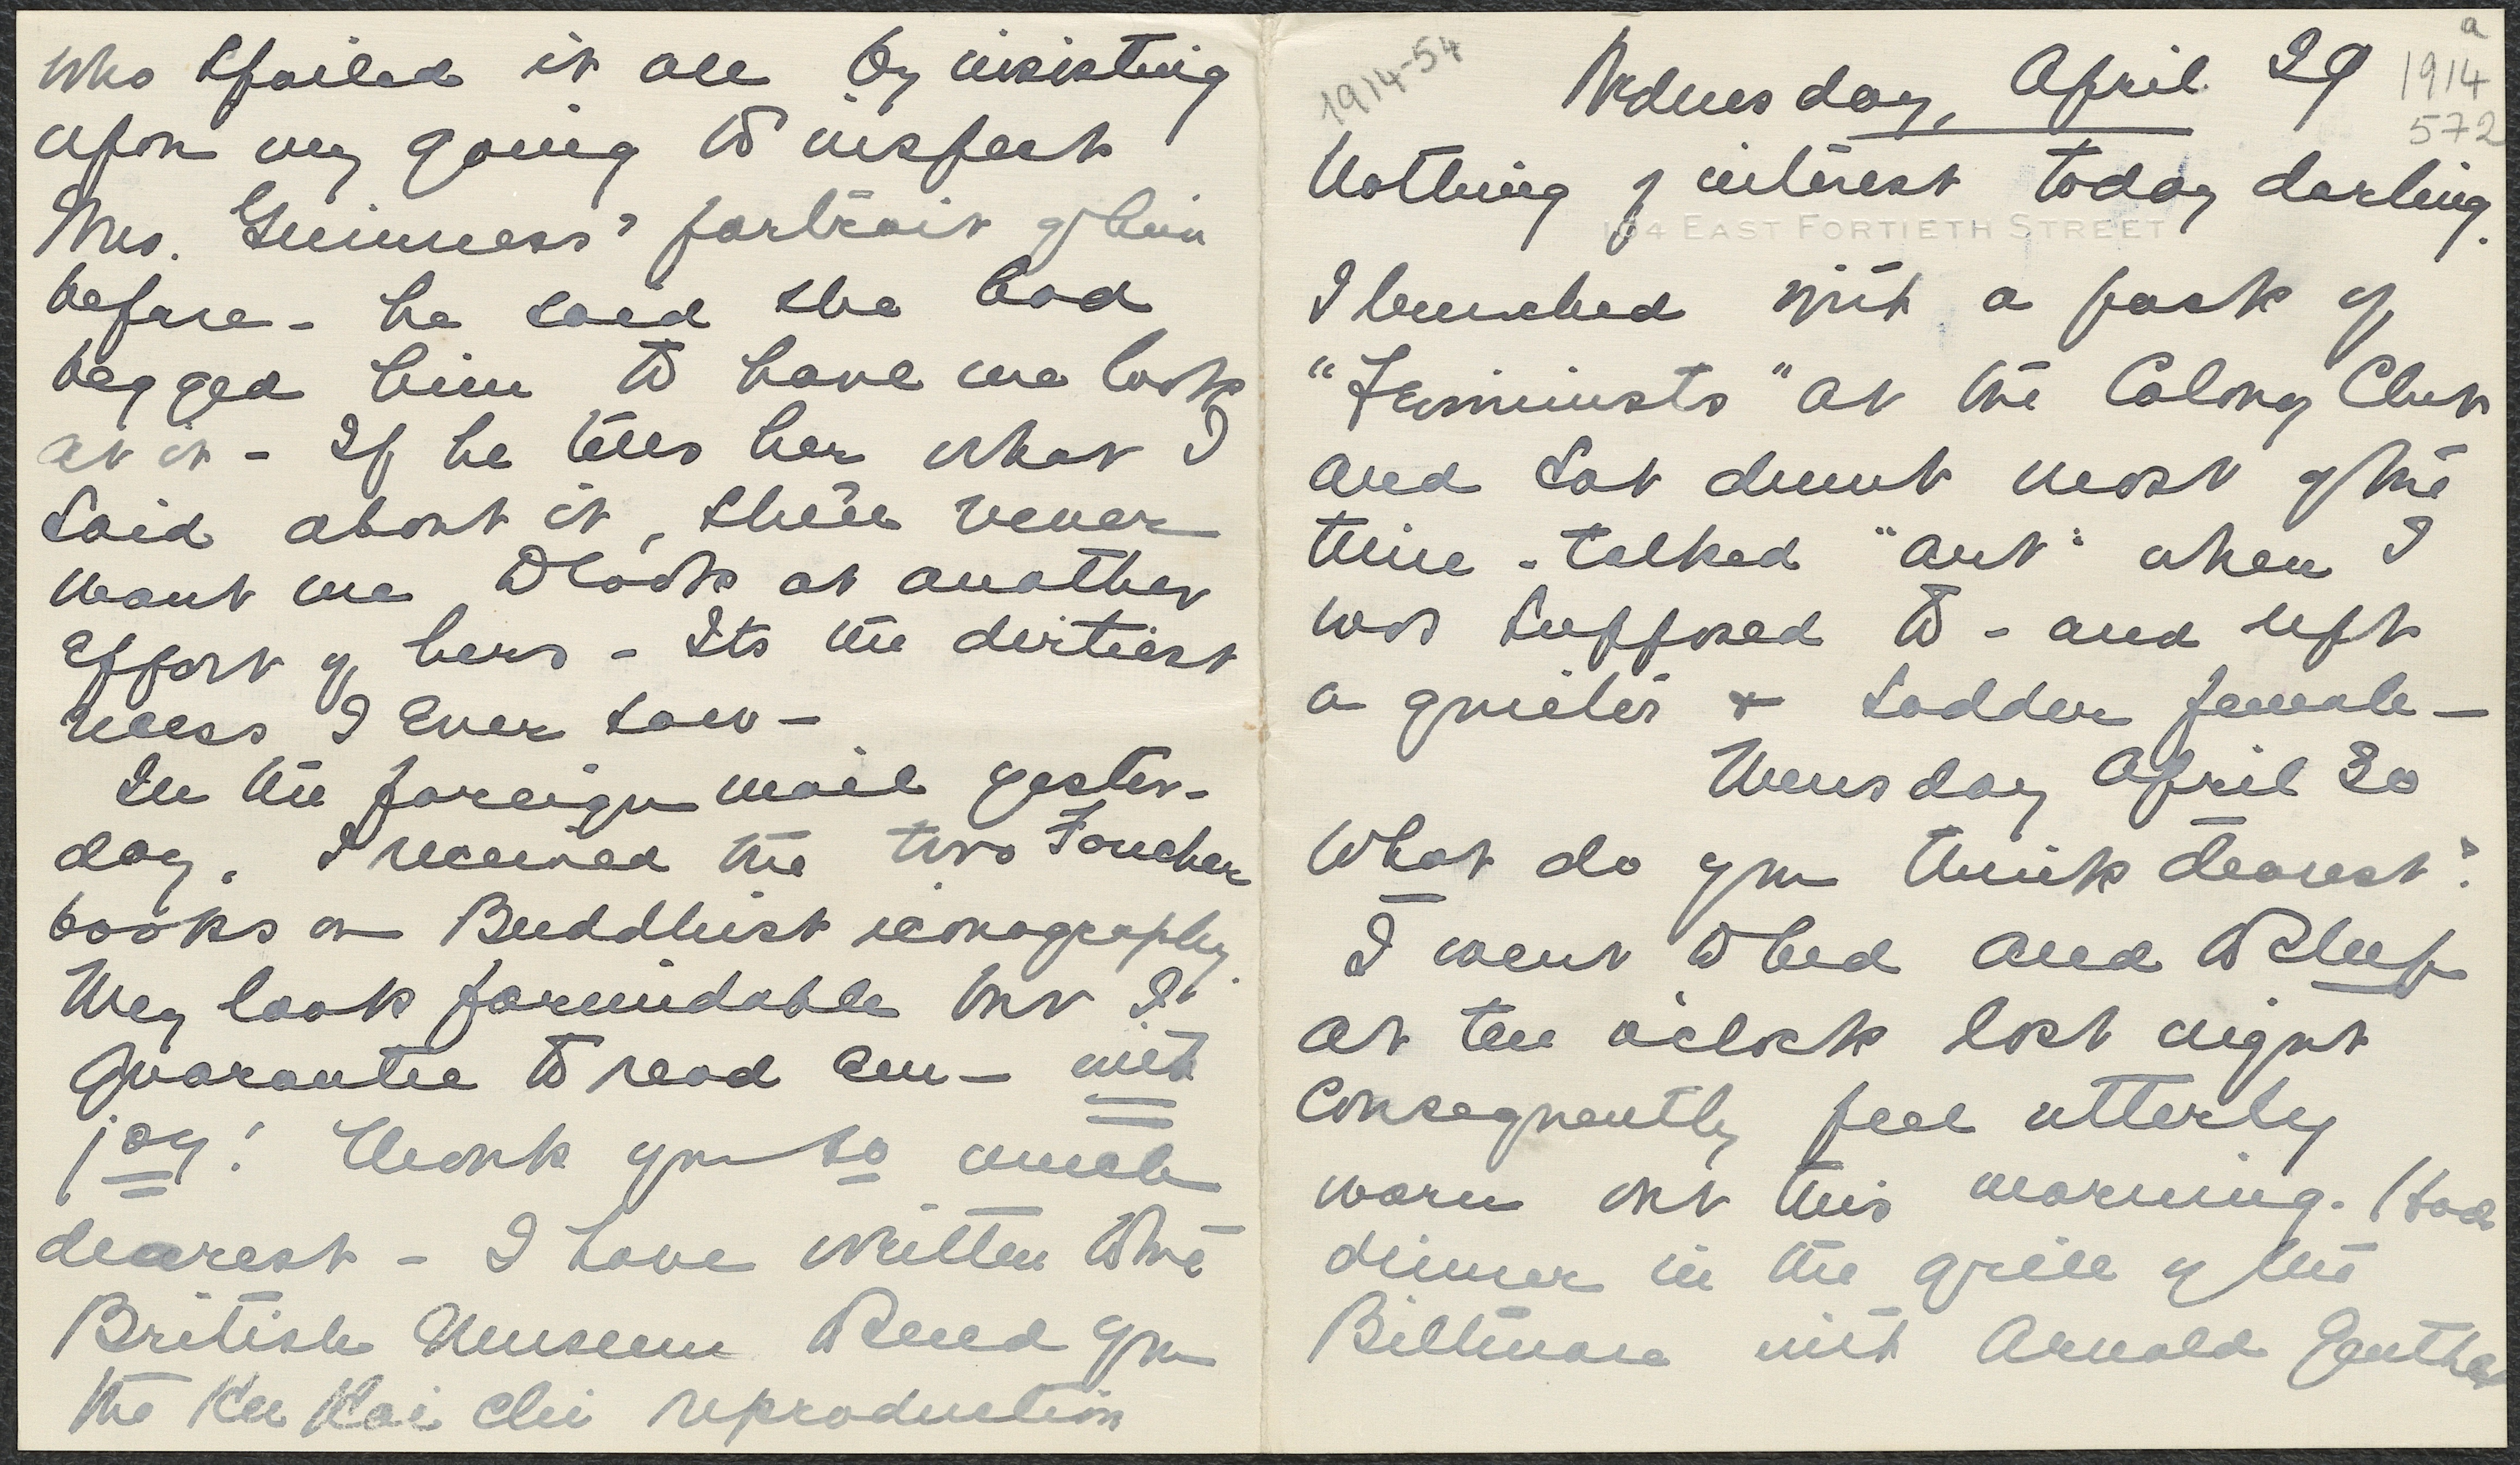Wednesday, April 29
Nothing of interest today darling. I lunched with a pack of “Feminists” at the Colony Club and sat dumb most of the time – talked “art” when I was supposed to – and left a quieter & sadder female –
Tuesday April 30
What do you think dearest? I went to bed and to sleep at ten o’clock last night consequently feel utterly worn out this morning. Had dinner in the grill of the Biltmore with Arnold Genthe
who spoiled it all by insisting upon my going to inspect Mrs. Guinness’ portrait of him before – he said she had begged him to have me look at it – If he tells her what I said about it, she’ll never want me to look at another effort of hers – It’s the dirtiest mess I ever saw –
In the foreign mail yesterday, I received the two Foucher books on Buddhist iconography. They look formidable but I guarantee to read em – [double underlined: with joy]! Thank you so much dearest – I have written to the British Museum to send you the Ku Kai Chi [sic] reproduction